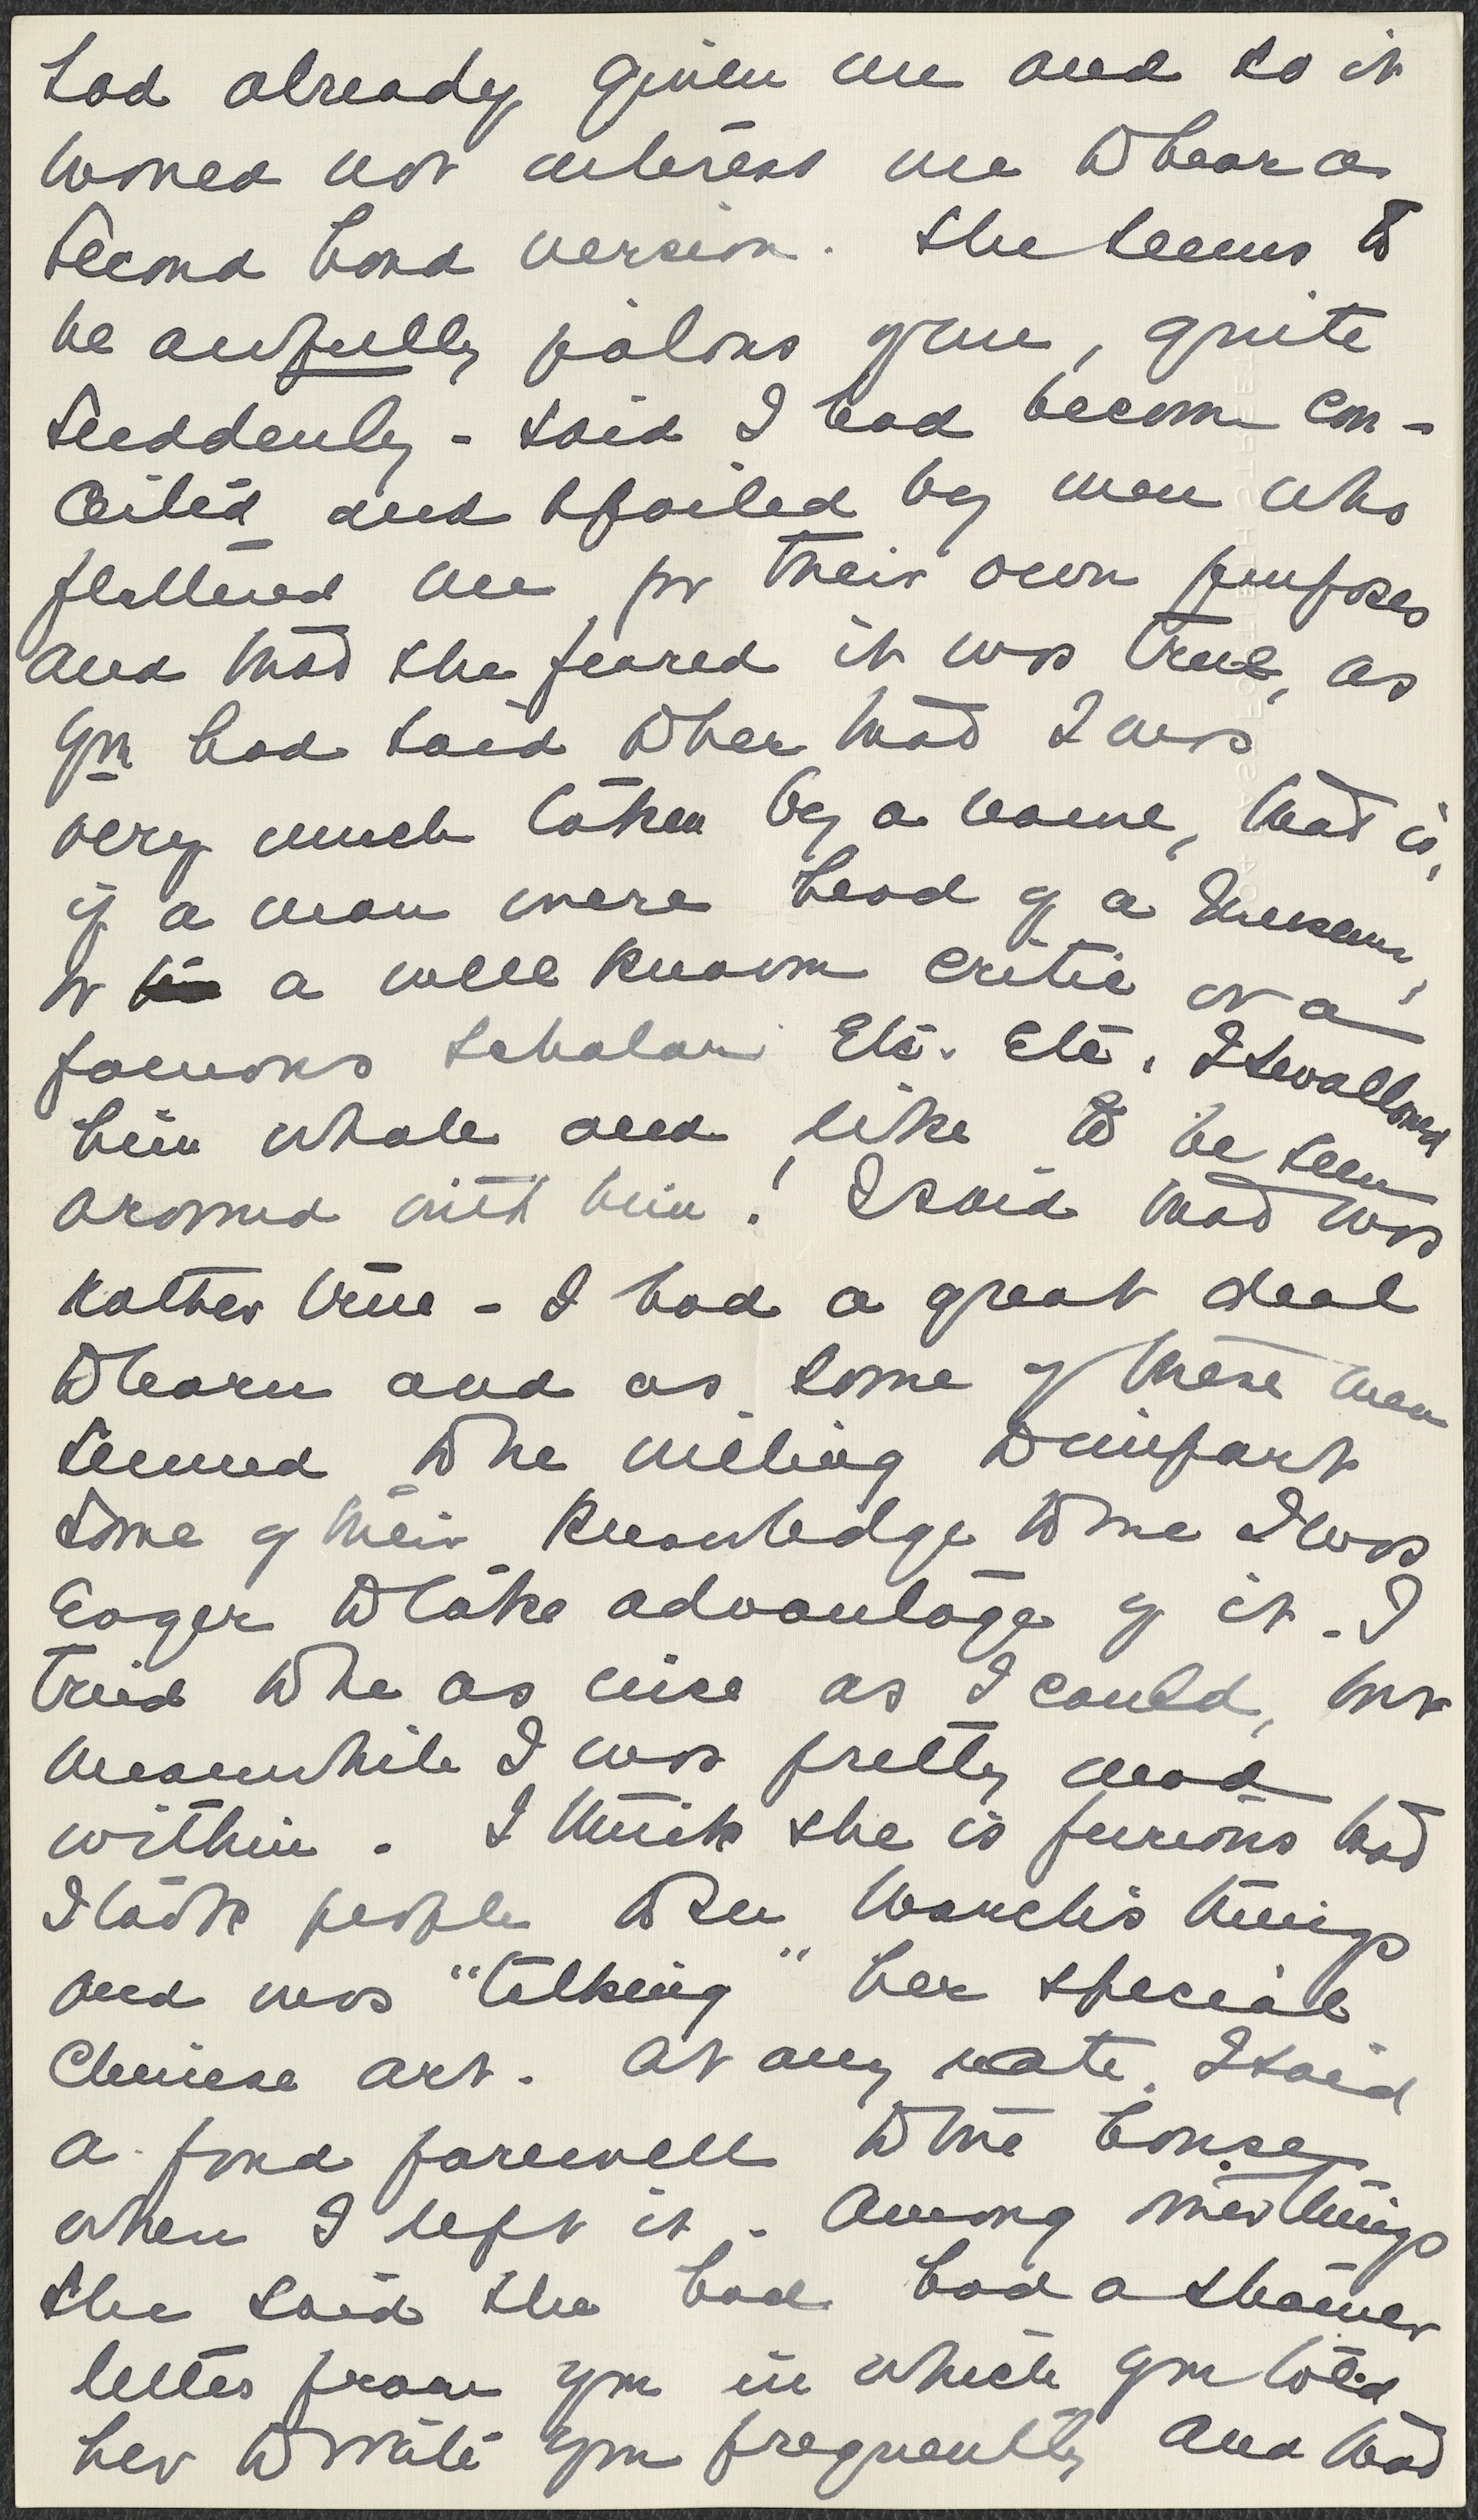had already given me and so it would not interest me to hear a second hand version. She seems to be awfully jealous of me, quite suddenly – said I had become conceited and spoiled by men who flattered me for their own purposes and that she feared it was true, as you had said to her that I was very much taken by a name, that is, if a man were head of a museum, or the a well known critic or a famous scholar etc. etc. I swallowed him whole and like to be seen around with him! I said that was rather true – I had a great deal to learn and as some of these men seemed to be willing to impart some of their knowledge to me I was eager to take advantage of it – I tried to be as wise as I would, but meanwhile I was pretty mad within – I think she is furious that I took people to see Worch’s things and was “talking” her special Chinese art – At any rate, I said a fond farewell to the house when I left it – Among other things she said she had had a steamer letter from you in which you told her to write you frequently and that